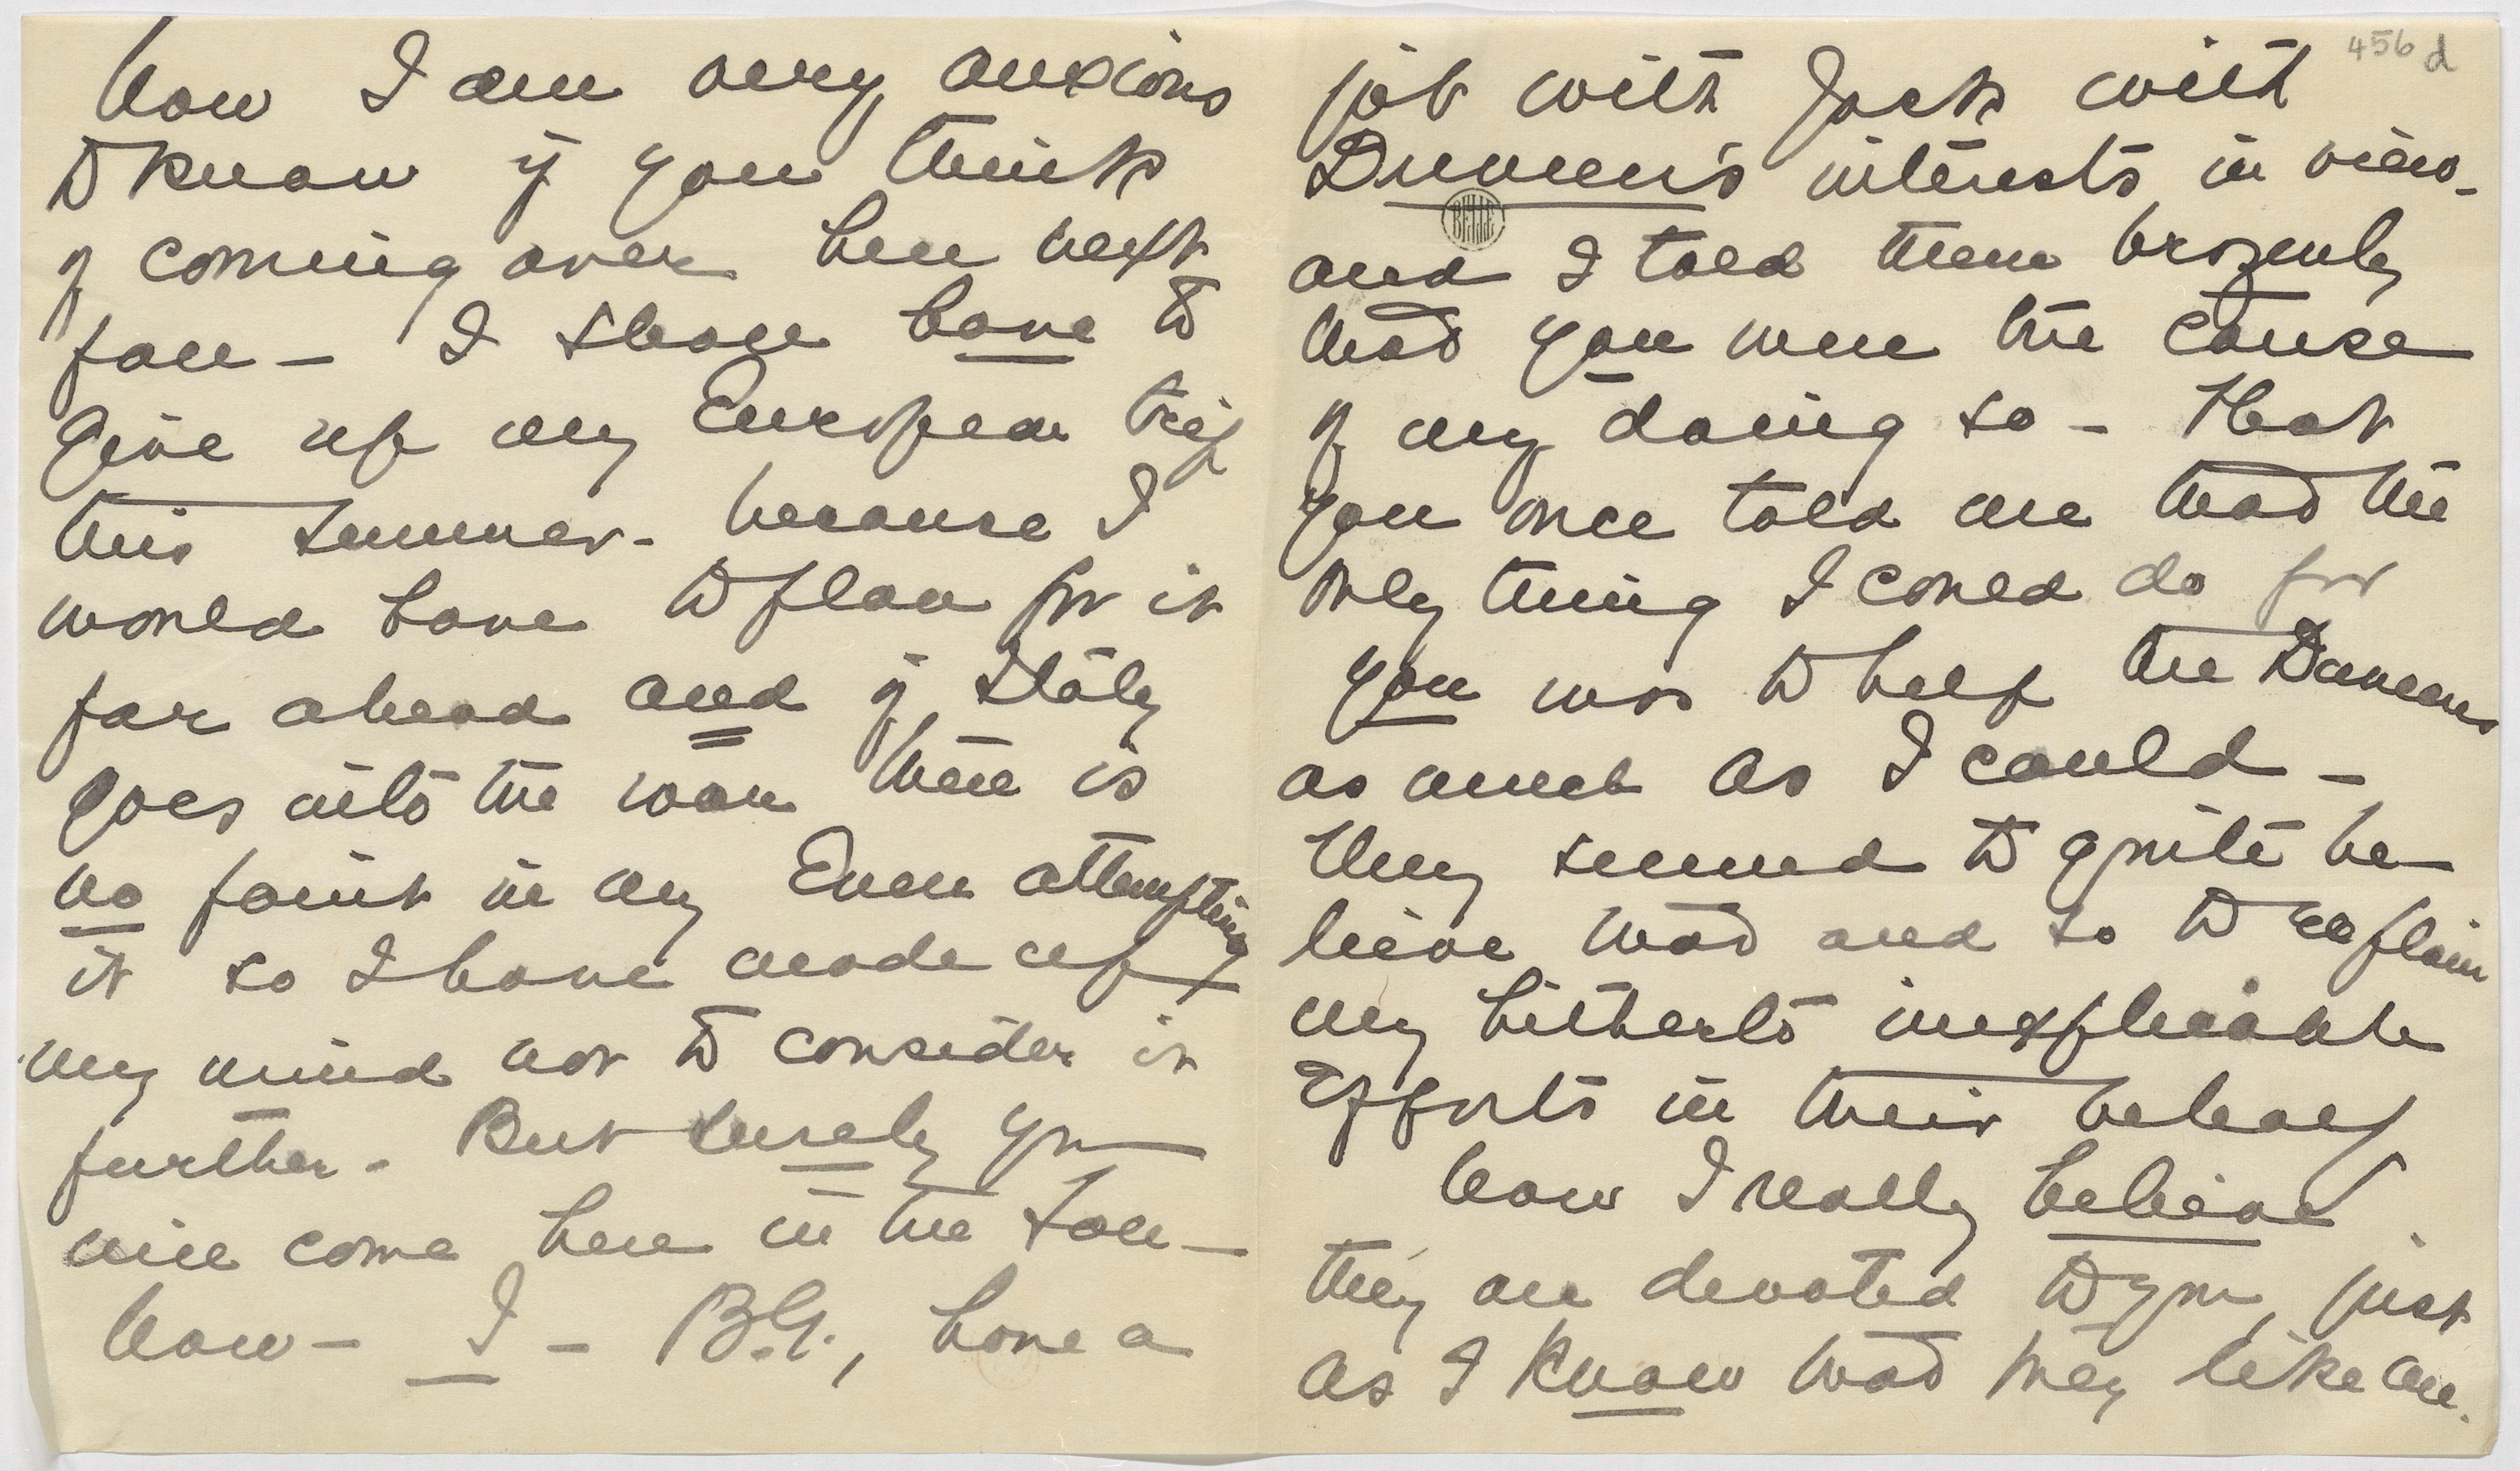job with jack with Duveen’s interests in view. and I told them brazenly that you were the cause of my doing so – that you once told me that the only thing I could do for you was to help the Duveens as much as I could – they seemed to quite believe that and to explain my hitherto inexplicable efforts in their behalf. They are devoted to you just as I know that they like me.
Now I am very anxious to know if you think of coming over here next fall – I shall have to give up my European trip this summer – because I would have to plan for it far ahead [double underlined: and] if Italy goes into the war there is no point in my even attempting it so I have made up my mind not to consider it further. But surely you will come here in the fall – Now – I – B.G., have a